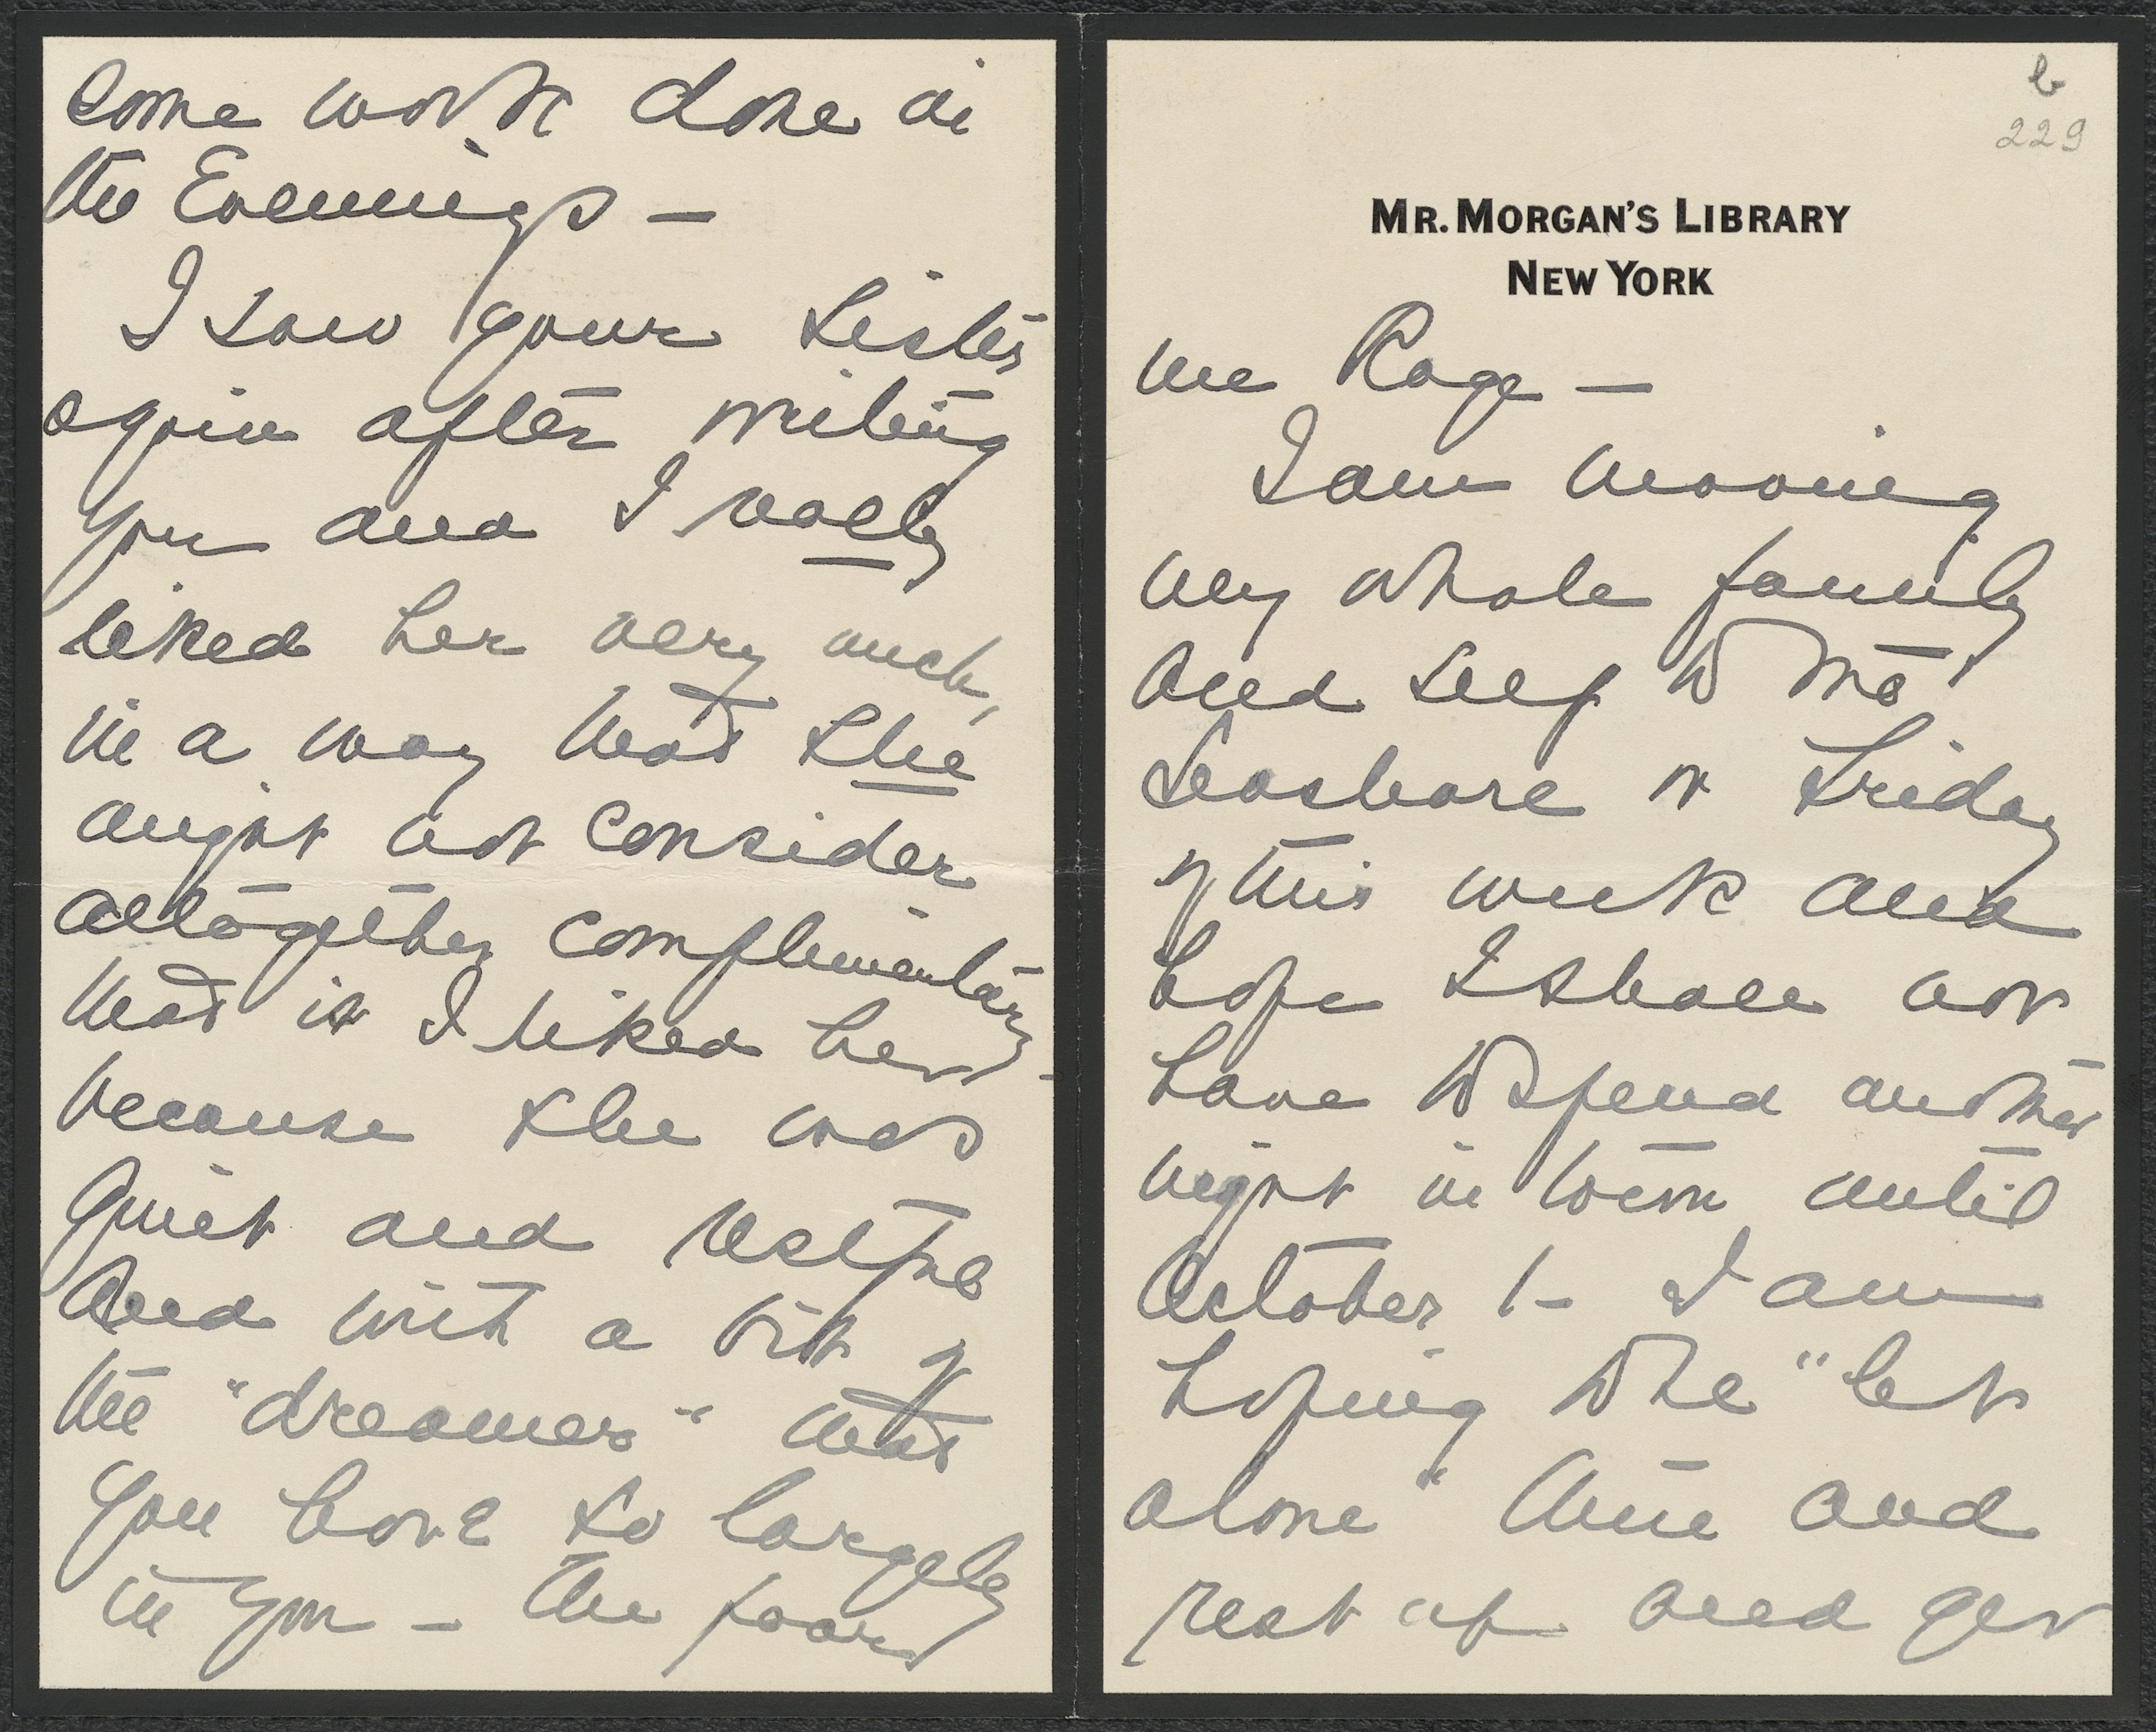me Rage –
I am moving my whole family and self to the Seashore on Friday of this week and hope I shall not have to spend another night in town until October 1 – I am hoping to be “let alone” there and rest up and get
some work done in the evenings –
I saw your sister again after writing you and I really liked her very much, in a way that she might consider altogether complimentary, that is I liked her because she was quiet and restful and with a bit of the “dreamer” that you have so largely in you – The poor